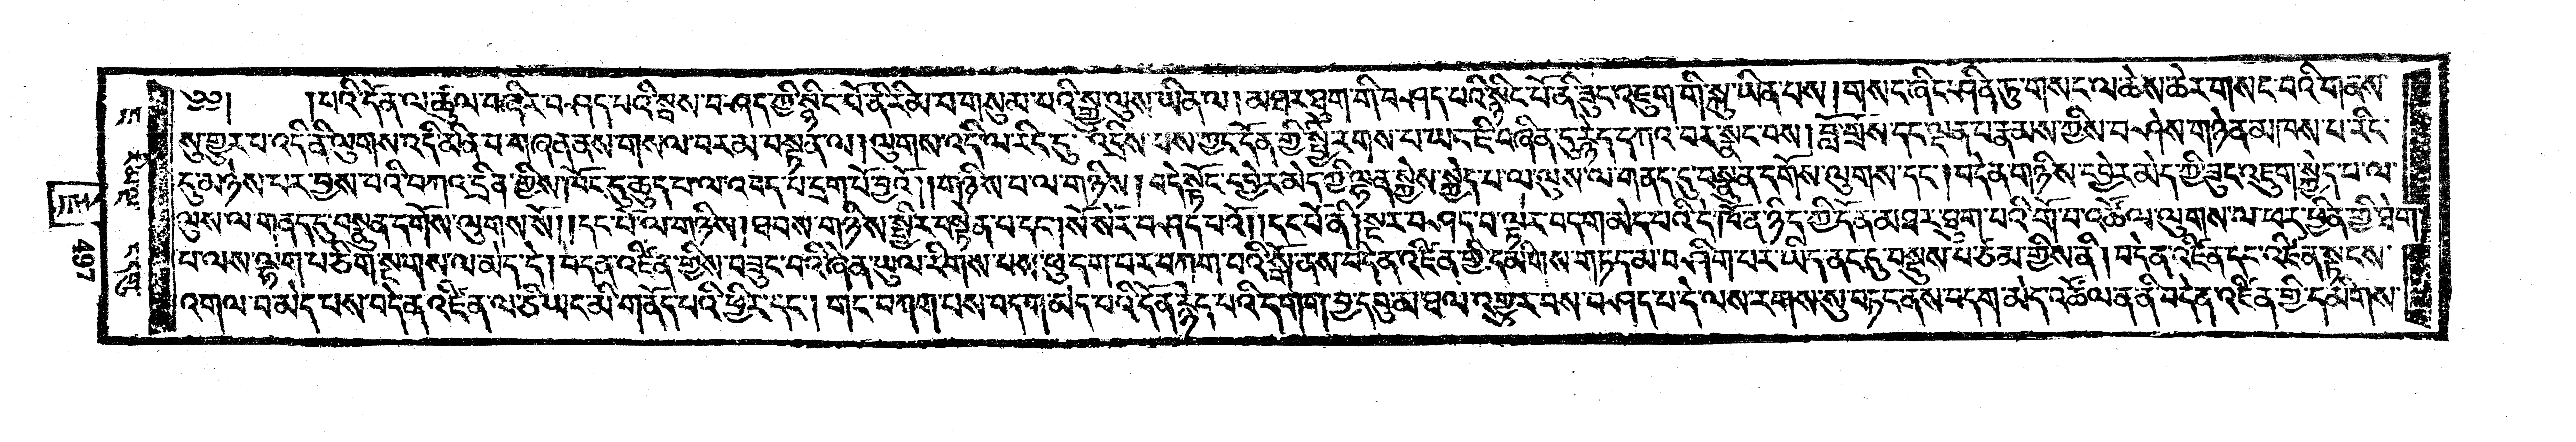༄༅། །པའི་དོན་ལ་ཚུལ་བཞིར་བཤད་པའི་སྦས་བཤད་ཀྱི་སྙིང་པོ་ནི་རིམ་པ་གསུམ་པའི་སྒྱུ་ལུས་ཡིན་ལ། མཐར་ཐུག་གི་བཤད་པའི་སྙིང་པོ་ནི་ཟུང་འཇུག་གི་སྐུ་ཡིན་པས། གསང་ཞིང་ཤིན་ཏུ་གསང་ལ་ཆེས་ཆེར་གསང་བའི་གནས་
སུ་གྱུར་པ་འདི་ནི་ལུགས་འདི་མིན་པ་གཞན་ནས་གསལ་བར་མ་བསྟན་ལ། ལུགས་འདི་ལ་རིང་དུ་འདྲིས་པས་ཀྱང་དོན་གྱི་སྤྱི་རགས་པ་ཡང་ཇི་བཞིན་དུ་རྙེད་དཀའ་བར་སྣང་བས། བློ་གྲོས་དང་ལྡན་པ་རྣམས་ཀྱིས་བཤེས་གཉེན་མཁས་པ་རིང་
དུ་མ་ཉེས་པར་བྱས་པའི་བཀའ་དྲིན་གྱིས་ཁོང་དུ་ཆུད་པ་ལ་འབད་པ་དྲག་པོ་བྱའོ། །གཉིས་པ་ལ་གཉིས། བདེ་སྟོང་དབྱེར་མེད་ཀྱི་ལྷན་སྐྱེས་སྐྱེད་པ་ལ་ལུས་ལ་གནད་དུ་བསྣུན་དགོས་ལུགས་དང་། བདེན་གཉིས་དབྱེར་མེད་ཀྱི་ཟུང་འཇུག་སྐྱེད་པ་ལ་
ལུས་ལ་གནད་དུ་བསྣུན་དགོས་ལུགས་སོ། །དང་པོ་ལ་གཉིས། ཐབས་གཉིས་སྤྱིར་བསྟན་པ་དང་། སོ་སོར་བཤད་པའོ། །དང་པོ་ནི། སྔར་བཤད་པ་ལྟར་བདག་མེད་པའི་དེ་ཁོ་ན་ཉིད་ཀྱི་དོན་མཐར་ཐུག་པའི་གོ་བ་འཚོལ་ལུགས་ལ་ཕར་ཕྱིན་གྱི་ཐེག་
པ་ལས་ལྷག་པ་ཅིག་སྔགས་ལ་མེད་དེ། བདེན་འཛིན་གྱིས་བཟུང་བའི་ཞེན་ཡུལ་རིགས་པས་ཕུ་དག་པར་བཀག་པའི་སྒོ་ནས་བདེན་འཛིན་གྱི་དམིགས་གཏད་མ་བཤིག་པར་ཡིད་ནང་དུ་བསྡུས་པ་ཙམ་གྱིས་ནི། བདེན་འཛིན་དང་འཛིན་སྟངས་
འགལ་བ་མེད་པས་བདེན་འཛིན་ལ་ཅི་ཡང་མི་གནོད་པའི་ཕྱིར་དང་། གང་བཀག་པས་བདག་མེད་པའི་དོན་རྙེད་པའི་དགག་བྱ་དབུ་མ་ཐལ་འགྱུར་བས་བཤད་པ་དེ་ལས་རགས་སུ་བཏང་ནས་བདག་མེད་འཚོལ་ན་ནི་བདེན་འཛིན་གྱི་དམིགས་